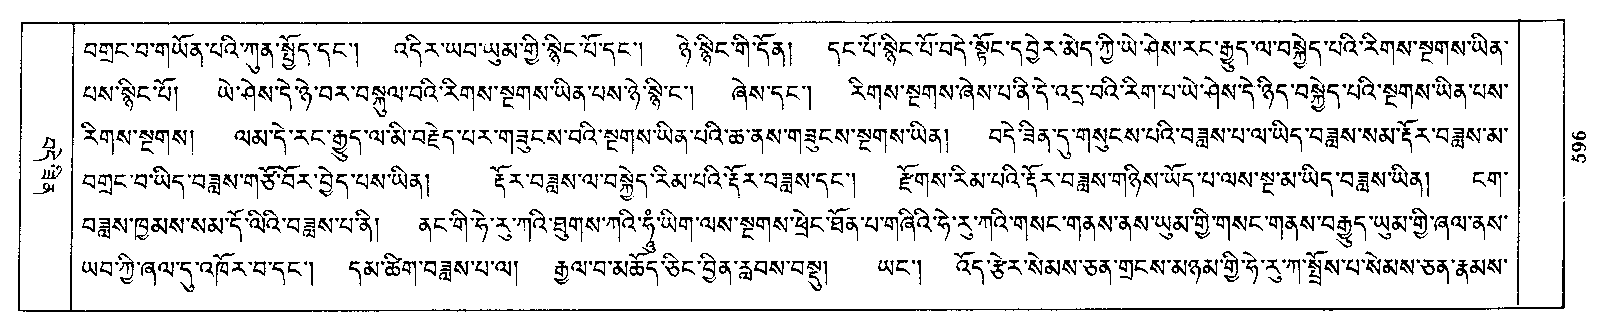བགྲང་བ་གཡོན་པའི་ཀུན་སྤྱོད་དང་། འདིར་ཡབ་ཡུམ་གྱི་སྙིང་པོ་དང་། ཉེ་སྙིང་གི་དོན། དང་པོ་སྙིང་པོ་བདེ་སྟོང་དབྱེར་མེད་ཀྱི་ཡེ་ཤེས་རང་རྒྱུད་ལ་བསྐྱེད་པའི་རིགས་སྔགས་ཡིན་
པས་སྙིང་པོ། ཡེ་ཤེས་དེ་ཉེ་བར་བསྐུལ་བའི་རིགས་སྔགས་ཡིན་པས་ཉེ་སྙི་ང་། ཞེས་དང་། རིགས་སྔགས་ཞེས་པ་ནི་དེ་འདྲ་བའི་རིག་པ་ཡེ་ཤེས་དེ་ཉིད་བསྐྱེད་པའི་སྔགས་ཡིན་པས་
རིགས་སྔགས། ལམ་དེ་རང་རྒྱུད་ལ་མི་བརྗེད་པར་གཟུངས་བའི་སྔགས་ཡིན་པའི་ཆ་ནས་གཟུངས་སྔགས་ཡིན། བདེ་ཟིན་དུ་གསུངས་པའི་བཟླས་པ་ལ་ཡིད་བཟླས་སམ་རྡོར་བཟླས་མ་
བགྲང་བ་ཡིད་བཟླས་གཙོ་བོར་བྱེད་པས་ཡིན། རྡོར་བཟླས་ལ་བསྐྱེད་རིམ་པའི་རྡོར་བཟླས་དང་། རྫོགས་རིམ་པའི་རྡོར་བཟླས་གཉིས་ཡོད་པ་ལས་སྔ་མ་ཡིད་བཟླས་ཡིན། ངག་
བཟླས་ཁྱམས་སམ་དོ་ལིའི་བཟླས་པ་ནི། ནང་གི་ཧེ་རུ་ཀའི་ཐུགས་ཀའི་ཧཱུཾ་ཡིག་ལས་སྔགས་ཕྲེང་ཐོན་པ་གཞིའི་ཧེ་རུ་ཀའི་གསང་གནས་ནས་ཡུམ་གྱི་གསང་གནས་བརྒྱུད་ཡུམ་གྱི་ཞལ་ནས་
ཡབ་ཀྱི་ཞལ་དུ་འཁོར་བ་དང་། དམ་ཚིག་བཟླས་པ་ལ། རྒྱལ་བ་མཆོད་ཅིང་བྱིན་རླབས་བསྡུ། ཡང་། འོད་རྩེར་སེམས་ཅན་གྲངས་མཉམ་གྱི་ཧེ་རུ་ཀ་སྤྲོས་པ་སེམས་ཅན་རྣམས་